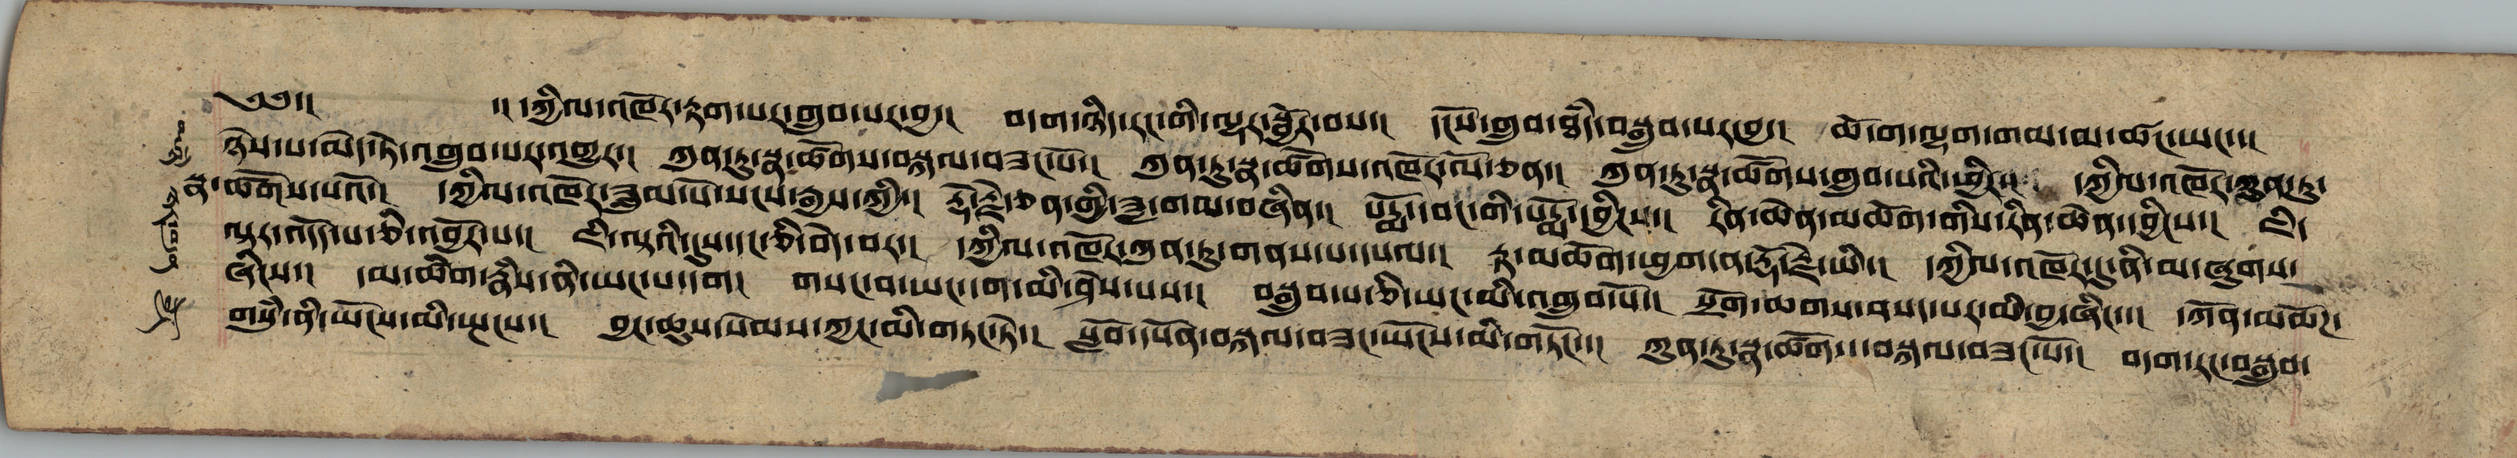༄༅་། ་།དཀྱིལ་འཁོར་རྟག་པར་གྲུབ་པར་བྱ་། བདག་ཉིད་རང་གི་ལྷར་སྦྱོར་བས་། དངོས་གྲུབ་ཐཾད་བསྒྲུབ་པར་བྱ་། ཆོ་ག་ལྷག་གམ་མ་ཚང་ཡང་་།
ཉེས་པ་མེད་ཏེ་འགྲུབ་པར་འགྱུར་། ཀུན་ཏུ་སྣ་ཚོགས་བསྐལ་བཟང་པོ་། ཀུན་ཏུ་སྣ་ཚོགས་འཁོར་ལོ་ཅན་། ཀུན་ཏུ་སྣ་ཚོགས་གྲུབ་པའི་ཕྱིར་། དཀྱིལ་འཁོར་ཀུན་ཏུ་
སྣ་ཚོགས་པའོ་། དཀྱིལ་འཁོར་ཟླུམ་པོ་སངས་རྒྱས་ཀྱི་། རྡོ་རྗེ་ཅན་གྱི་ཟླ་གམ་བཞིན་། པདྨོ་དབང་གི་པདྨོ་དབྱིངས་། རིན་ཆེན་མཆོག་གིས་རིན་ཆེན་དབྱིངས་། ཇི་
ལྟར་འདོད་པ་ཅི་འབྱོར་པ་། ཇི་ལྟའི་དུས་དང་ཅི་བདེ་བར་། དཀྱིལ་འཁོར་ཀུན་ཏུ་གནས་པ་དཔལ་། རྟ་མཆོག་ཕྱག་ན་རྡོ་རྗེ་ཡི་། དཀྱིལ་འཁོར་དུ་ནི་མ་ཞུགས་
ཞིངས་། དམ་ཚིག་རྣཾས་ནི་ཡང་པ་དག། གསང་བ་ཡང་དག་མི་ཤེས་པས་། བསྒྲུབ་པ་ཅི་ཡང་མི་འགྲུབ་པོ་། སྲོག་ཆགས་བསད་པར་མི་བྱ་ཞིང་་། དཀོན་མཆོཌ་
གསུཾ་ནི་ཡོངས་མི་སྤངས་། བྱང་ཆུབ་སེམས་ཀྱང་མི་གཏང་ཏེ་། སློབ་དཔོན་བསྐལ་བཟང་ཡོངས་མི་གཏོང་་། ཀུན་ཏུ་སྣ་ཚོགས་བསྐལ་བཟང་པོ་། བདག་རང་བསྒྲུབ་